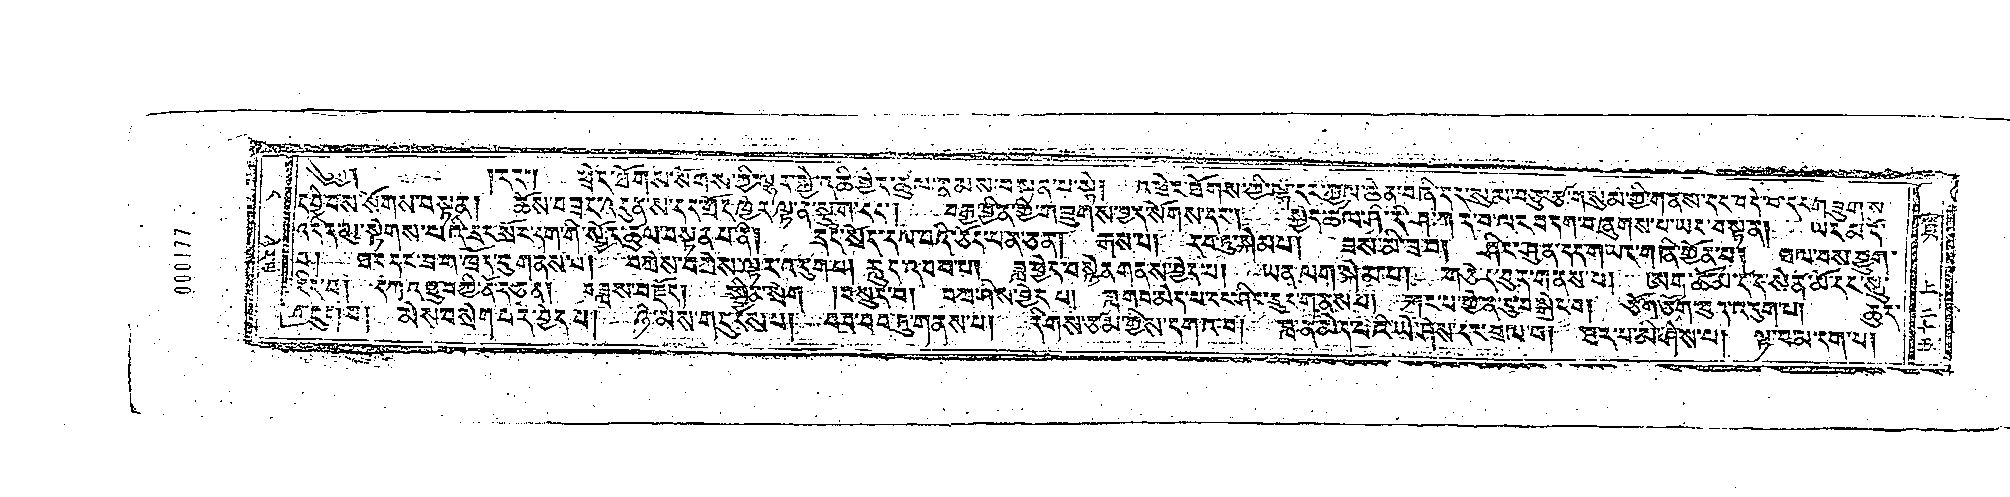༄༅། །དང་། ཕྲེང་ཐོགས་སོགས་ཀྱི་ལྷར་སྐྱེ་འཆི་བྱེད་ཚུལ་རྣམས་བསྟན་པ་སྟེ། འཕྲེང་ཐོགས་ཀྱི་ལྷ་དང་རྒྱལ་ཆེན་བཞི་དང་སུམ་བཅུ་རྩ་གསུམ་གྱི་གནས་དང་བདེ་བ་དང་གཟུགས་
དབྱིབས་སོགས་བསྟན། ཆོས་བཟང་འདུན་ས་དང་གྲོང་ཁྱེར་ལྟ་ན་སྡུག་དང་། བརྒྱ་བྱིན་གྱི་གཟུགས་བྱད་སོགས་དང་། སྐྱེད་ཚལ་ཤི་དི་ཤ་ཀད་བ་ལང་བདག་བཞུགས་པ་ཡང་བསྟན། ཡང་མདོ་
འདི་དམུ་སྟེགས་པའི་དྲང་སྲོང་དག་གི་སྤྱོད་ཚུལ་བསྟན་པ་ནི། དྲང་སྲོད་རལ་བའི་ཅོང་པན་ཅན། རྒས་པ། རབ་ཏུ་སྐེམ་པ། ཟས་མི་ཟབ། ཤིང་ཤུན་དད་གཡང་གཞི་གྱོན་པ། ཐལ་བས་བྱུག་
བ། ཐང་དང་བྲག་ཁྲོད་དུ་གནས་པ། བཀྲེས་བཀྲེས་ལྟར་འདུག་པ། རླུང་འབབ་པ། ཟླ་ཕྱེད་བསྙེན་གནས་བྱེད་པ། ཡན་ལག་སྐེམ་པ། གཅེར་བུར་གནས་པ། ཨག་ཚོམ་དད་སེན་མོ་དང་སྤུ་
རིད་བ། དཀའ་ཐུབ་ཀྱི་ནོར་ཅན། བཟླས་བརྗོད། སྦྱིན་སྲེག །བསྲུང་བ། བཀྲ་ཤིས་བྱེད་པ། བླག་བ་མེད་པ་རང་ཤིང་དྲུང་གནས་པ། རྐང་པ་གྱེན་དུ་བསྒྲེང་བ། ཙོག་ཙོག་བུར་འདུག་པ། ཆུང་
འདུག་པ། མེས་བསྲེག་པར་བྱེད་པ། ཉི་མས་གདུངས་པ། བབ་བབ་ཏུ་གནས་པ། རིགས་ཙམ་གྱིས་དགའ་བ། བླ་ན་མེད་པའི་ཡེ་ཤེས་དང་བྲལ་བ། ཐར་པ་མི་ཤེས་པ། ལྟ་བ་མ་དག་པ།